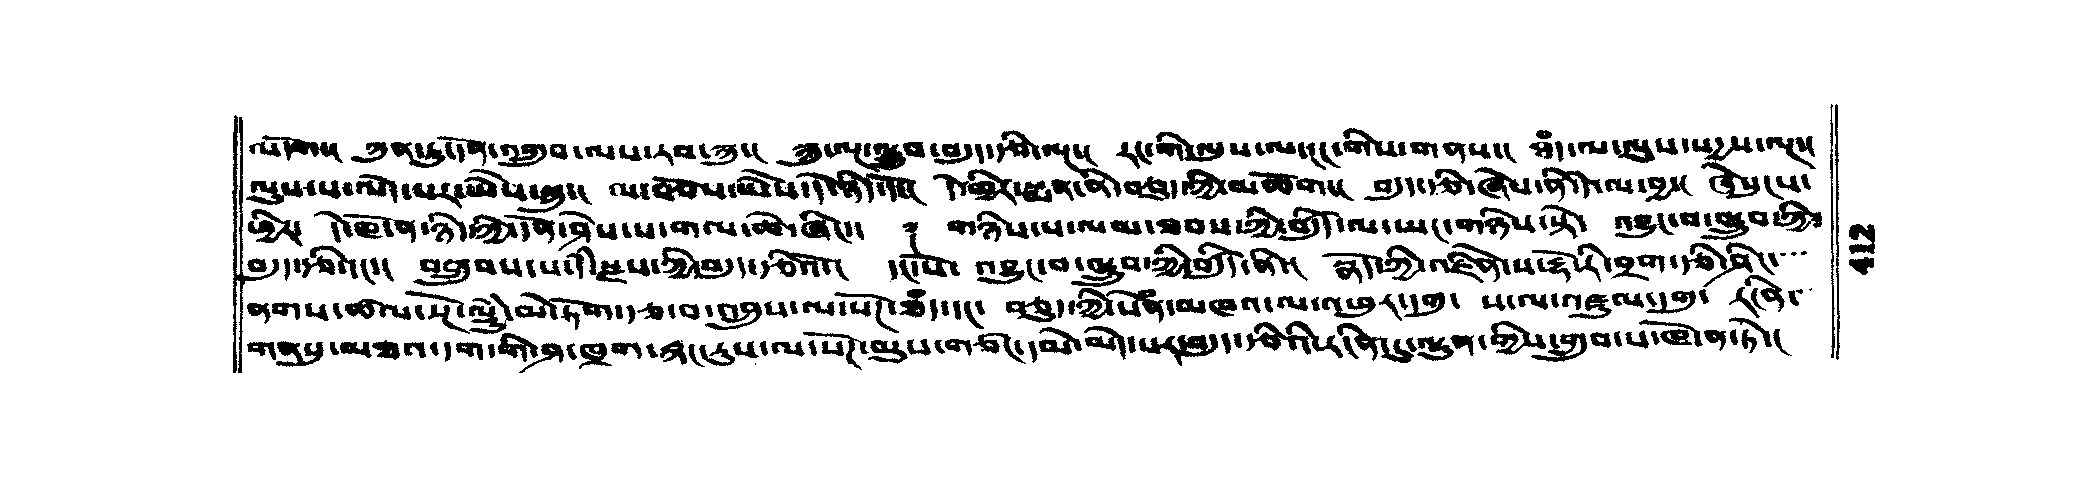མདོག །ཀུན་ཏུ་དོན་གྲུབ་ལས་རབ་སྐུ། །སྐུ་ལྔ་ལྷུན་གྲུབ་བདུད་རྩི་ལྔ། །རང་གི་ལུས་ལ་ངང་གིས་གནས། །ཐམས་ཅད་མ་ལུས་སངས་རྒྱས་ལྔ། 
ལུས་པ་མེད་པར་ཡེ་ཤེས་སྐུ། །མ་བཅོས་ཡེ་ཤེས་དེ་ཉིད་དོ། །དེ་ཕྱིར་སྨན་ནི་བཅུད་ཀྱི་མཆོག །བདུད་རྩི་ཞེས་ནི་དེ་ལ་བྱ། །ཞེས་གསུངས་
ཕྱིར་དེ་ཁོ་ན་ཉིད་ཀྱི་དོན་ཤེས་པ་གལ་ཆེ་ཞིང་། གཉིས་པ་ལམ་ཐབས་ཀྱི་བདུད་རྩི་ལ་ཡང་གཉིས་ཏེ། འབྱུང་བ་ལྷུན་གྲུབ་ཀྱི་
བདུད་རྩི་དང་སྒྲུབ་པ་དམ་རྫས་ཀྱི་བདུད་རྩིའོ། དང་པོ་འབྱུང་བ་ལྷུན་གྲུབ་ཀྱི་བདུད་རྩི་ནི་སྣོད་ཀྱི་འཇིག་རྟེན་ས་རྡོ་རི་བྲག་རྩི་ཤིང་
ནགས་ཚལ་སྔོ་ལྡུམ་མེ་ཏོག་རྩ་བ་འབྲས་བུ་ལ་སོགས་ཐམས་ཅད་དང་།བཅུད་ཀྱི་སེམས་ཅན་མཁའ་ལ་འཕུར་རྒུ། ས་ལ་འཛུལ་རྒུ། རང་བཞིན་
གནས་རྒུ་མཐའ་དག་གི་ཤ་ཁྲག་རྐང་རུས་ལ་སོགས་མ་ལུས་གཙང་དམེ་མེད་པར་བདུད་རྩིའི་རང་བཞིན་དུ་ལྷུན་གྱིས་གྲུབ་པ་ཁོ་ན་སྟེ།